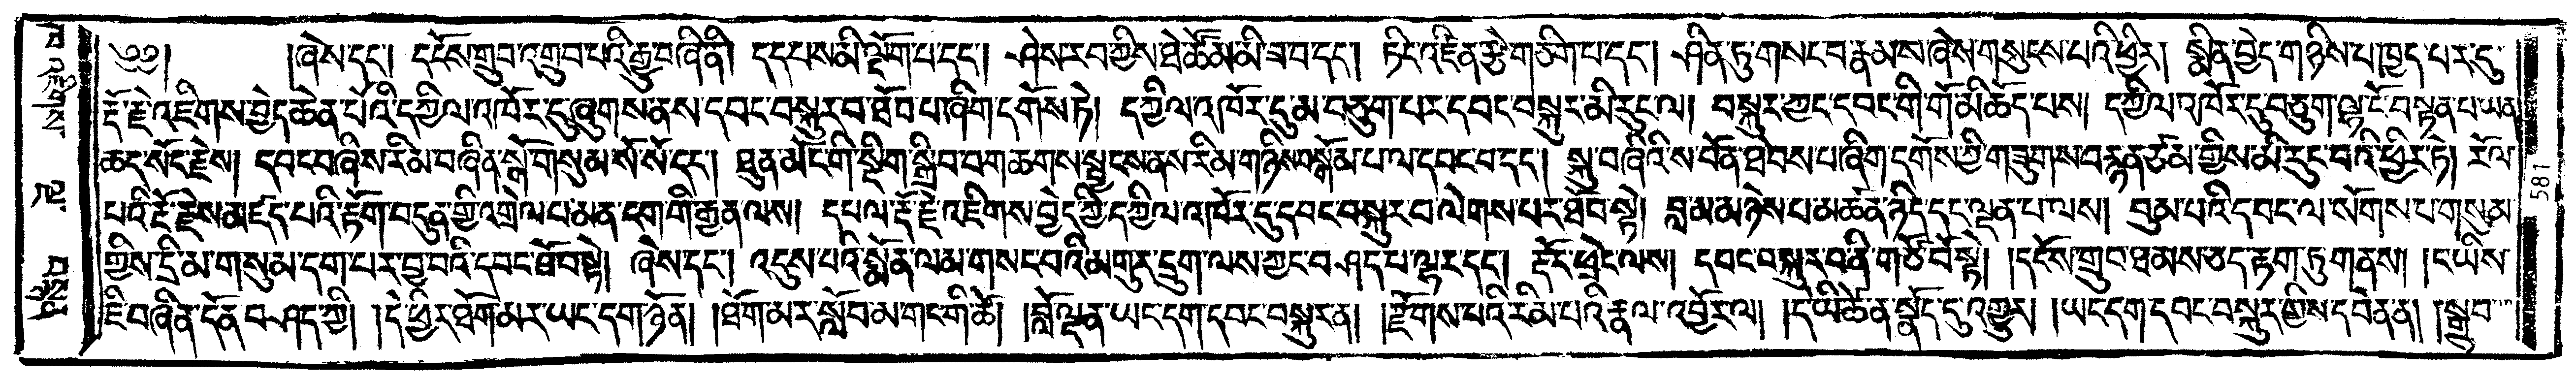༄༅། །ཞེས་དང་། དངོས་གྲུབ་འགྲུབ་པའི་རྒྱུ་བཞི་ནི། དད་པས་མི་ལྡོག་པ་དང་། ཤེས་རབ་ཀྱིས་ཐེ་ཚོམ་མི་ཟ་བ་དང་། ཏིང་འཛིན་རྩེ་གཅིག་པ་དང་། ཤིན་ཏུ་གསང་བ་རྣམས་ཞེས་གསུངས་པའི་ཕྱིར། སྨིན་བྱེད་གཉིས་པ་ཁྱད་པར་དུ་
རྡོ་རྗེ་འཇིགས་བྱེད་ཆེན་པོའི་དཀྱིལ་འཁོར་དུ་ཞུགས་ནས་དབང་བསྐུར་བ་ཐོབ་པ་ཞིག་དགོས་ཏེ། དཀྱིལ་འཁོར་དུ་མ་བཅུག་པར་དབང་བསྐུར་མི་རུང་ལ། བསྐུར་ཀྱང་དབང་གི་གོ་མི་ཆོད་པས། དཀྱིལ་འཁོར་དུ་བཅུག་ལྷ་ངོ་བསྟན་པ་ཡན་
ཆད་སོང་རྗེས། དབང་བཞིས་རིམ་བཞིན་སྒོ་གསུམ་སོ་སོ་དང་། ཐུན་མོང་གི་སྡིག་སྒྲིབ་བག་ཆགས་སྦྱངས་ནས་རིམ་གཉིས་བསྒོམ་པ་ལ་དབང་བ་དང་། སྐུ་བཞིའི་ས་བོན་ཐབས་པ་ཞིག་དགོས་ཀྱི་གཟུགས་བརྙན་ཙམ་གྱིས་མི་རུང་བའི་ཕྱིར་ཏེ། རོལ་
པའི་རྡོ་རྗེས་མཛད་པའི་རྟོག་བདུན་གྱི་འགྲེལ་པ་མན་ངག་གི་རྒྱན་ལས། དཔལ་རྡོ་རྗེ་འཇིགས་བྱེད་ཀྱི་དཀྱིལ་འཁོར་དུ་དབང་བསྐུར་བ་ལེགས་པར་ཐོབ་སྟེ། བླ་མ་མཉེས་པ་མཚན་ཉིད་དང་ལྡན་པ་ལས། བུམ་པའི་དབང་ལ་སོགས་པ་གསུམ་
གྱིས་དྲི་མ་གསུམ་དག་པར་བྱ་བའི་དབང་ཐོབ་སྟེ། ཞེས་དང་། འདུས་པའི་སྨོན་ལམ་གསང་བའི་མགུར་དྲུག་ལས་ཀྱང་བཤད་པ་ལྟར་དང་། རྡོར་ཕྲེང་ལས། དབང་བསྐུར་བ་ནི་གཙོ་བོ་སྟེ། །དངོས་གྲུབ་ཐམས་ཅད་རྟག་ཏུ་གནས། །ང་ཡིས་
ཇི་བཞིན་དོན་བཤད་ཀྱི། །དེ་ཕྱིར་ཐོག་མར་ཡང་དག་ཉོན། །ཐོག་མར་སློབ་མ་གང་གི་ཚེ། །བློ་ལྡན་ཡང་དག་དབང་བསྐུར་ན། །རྫོགས་པའི་རིམ་པའི་རྣལ་འབྱོར་ལ། །དེ་ཡི་ཚེ་ན་སྣོད་དུ་འགྱུར། །ཡང་དག་དབང་བསྐུར་གྱིས་དབེན་ན། །སྒྲུབ་